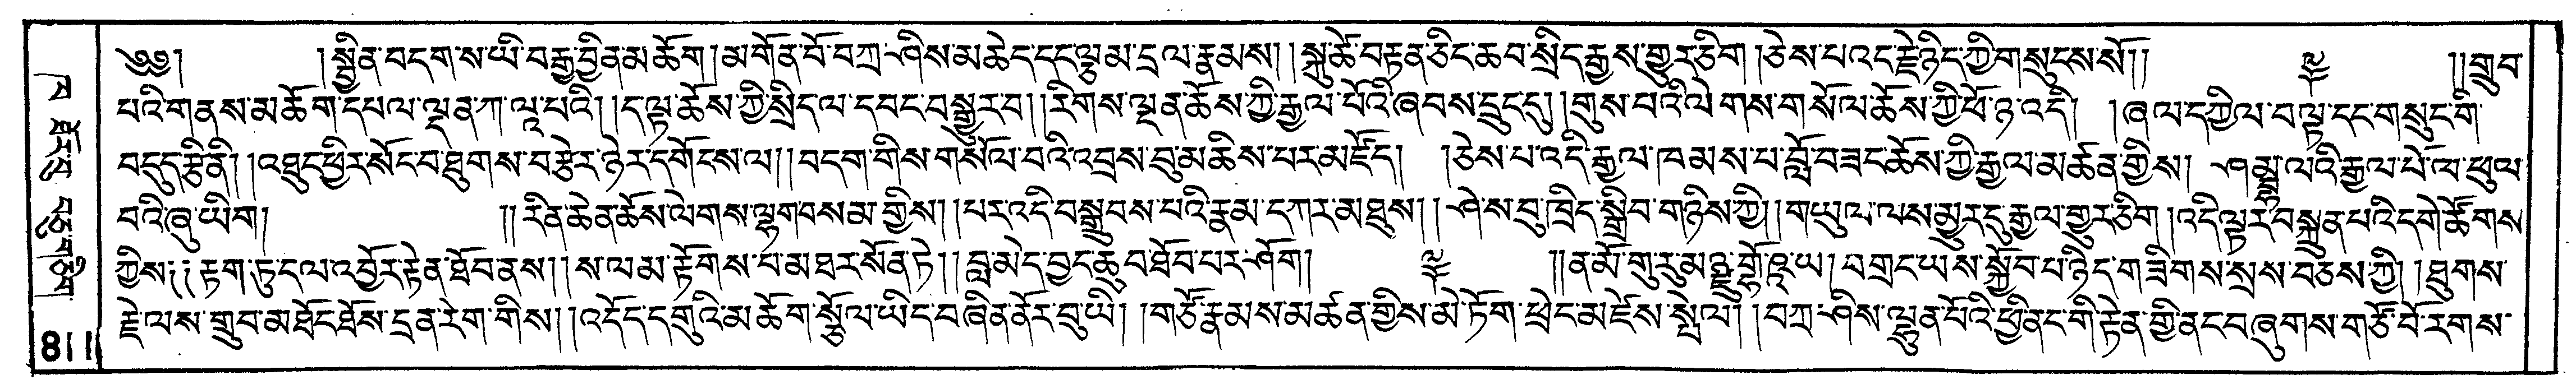༄༅། །སྦྱིན་བདག་ས་ཡི་བརྒྱ་བྱིན་མཆོག །མགོན་པོ་བཀྲ་ཤིས་མཆེད་དང་ལྕམ་དྲལ་རྣམས། །སྐུ་ཚེ་བརྟན་ཅིང་ཅབ་སྲིད་རྒྱས་གྱུར་ཅིག །ཅེས་པའང་རྗེ་ཉིད་ཀྱི་གསུངས་སོ།། ༈ །།གྲུབ་
པའི་གནས་མཆོག་དཔལ་ལྡན་ཀ་ལཱ་པའི། །ད་ལྟ་ཆོས་ཀྱི་སྲིད་ལ་དབང་བསྒྱུར་བ། །རིགས་ལྡན་ཆོས་ཀྱི་རྒྱལ་པོའི་ཞབས་དྲུང་དུ། །གུས་པའི་ལེགས་གསོལ་ཆོས་ཀྱི་ཕོ་ཉ་འདི། །ཞལ་དཀྱིལ་བལྟ་དང་གསུང་གི་
བདུད་རྩི་ནི། །འཐུང་ཕྱིར་སོང་བ་ཐུགས་བརྩེར་ཉེར་དགོངས་ལ། །བདག་གིས་གསོལ་བའི་འབྲས་བུ་མཆིས་པར་མཛོད། །ཅེས་པ་འདི་རྒྱལ་ཁམས་པ་བློ་བཟང་ཆོས་ཀྱི་རྒྱལ་མཚན་གྱིས། ཤམྦྷ་ལའི་རྒྱལ་པོ་ལ་ཕུལ་
བའི་ཞུ་ཡིག ། །།རིན་ཆེན་ཆོས་ལེགས་ལྷག་བསམ་གྱིས། །པར་འདི་བསྒྲུབས་པའི་རྣམ་དཀར་མཐུས། །ཤེ་ས་བུ་ཁྲིད་སྒྲིབ་གཉིས་ཀྱི། །གཡུལ་ལས་མྱུར་དུ་རྒྱལ་གྱུར་ཅིག །འདི་ལྟར་བསྐྲུན་པའི་དགེ་ཚོགས་
ཀྱིས༑ ༑རྟག་ཏུ་དལ་འབྱོར་རྟེན་ཐོབ་ནས། །ས་ལམ་རྟོགས་པ་མཐར་སོན་ཏེ། །བླ་མེད་བྱང་ཆུབ་ཐོབ་པར་ཤོག ། ༈ །།ན་མོ་གུ་རུ་མཉྫུ་གྷོ་ཥཱ་ཡ། བགྲང་ཡས་སྐྱོབ་པ་ཉིད་གཟིགས་སྲས་བཅས་ཀྱི། །ཐུགས་
རྗེ་ལས་གྲུབ་མཐོང་ཐོས་དྲན་རེག་གིས། །འདོད་དགུའི་མཆོག་སྩོལ་ཡིད་བཞིན་ནོར་བུ་ཡི། །གཙོ་རྣམས་མཚན་གྱིས་མེ་ཏོག་ཕྲེང་མཛེས་སྤེལ། །བཀྲ་ཤིས་ལྷུན་པོའི་ཕྱི་ནང་གི་རྟེན་གྱི་ནང་བཞུགས་གཙོ་བོ་རགས་